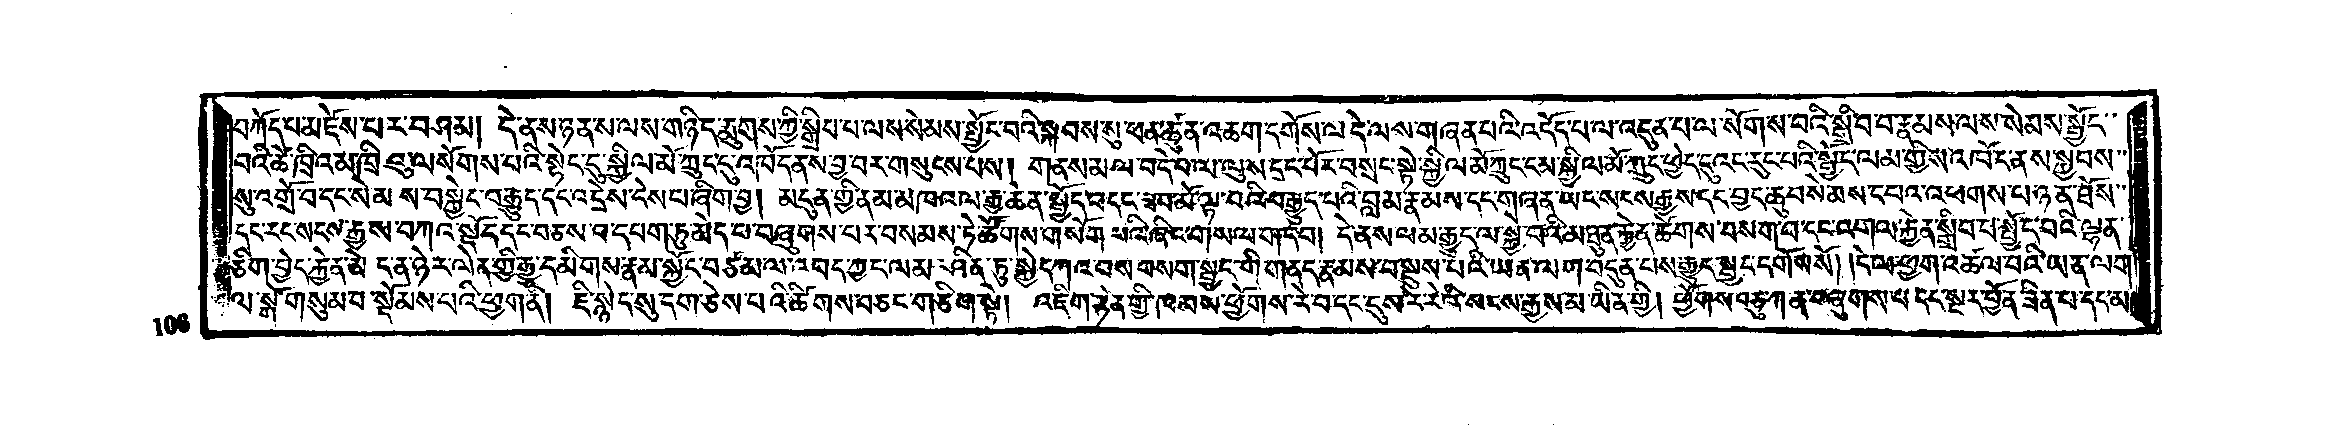བཀོད་པ་མཛེས་པར་བཤམ། །དེ་ནས་ཉན་ས་ལས་གཉིད་རྨུགས་ཀྱི་སྒྲིབ་པ་ལས་སེམས་སྦྱོང་བའི་སྐབས་སུ་ཕན་ཚུན་འཆག་དགོས་ལ་དེ་ལས་གཞན་པའི་འདོད་པ་ལ་འདུན་པ་ལ་སོགས་པའི་སྒྲིབ་པ་རྣམས་ལས་སེམས་སྦྱོང་
བའི་ཚེ་ཁྲིའམ་ཁྲིའུ་ལ་སོགས་པའི་སྟེང་དུ་སྐྱིལ་མོ་ཀྲུང་དུ་འཁོད་ནས་བྱ་བར་གསུངས་པས། གནས་མལ་བདེ་བ་ལ་ལུས་དྲང་པོར་བསྲང་སྟེ་སྐྱིལ་མོ་ཀྲུང་ངམ་སྐྱིལ་མོ་ཀྲུང་ཕྱེད་དུའང་རུང་བའི་སྤྱོད་ལམ་གྱིས་འཁོད་ནས་སྐྱབས་
སུ་འགྲོ་བ་དང་སེམས་བསྐྱེད་པ་རྒྱུད་དང་འདྲེས་ངེས་པ་ཞིག་བྱ། མདུན་གྱི་ནམ་མཁའ་ལ་རྒྱ་ཆེན་སྤྱོད་པ་དང་ཟབ་མོ་ལྟ་བའི་བརྒྱུད་པའི་བླ་མ་རྣམས་དང་གཞན་ཡང་སངས་རྒྱས་དང་བྱང་ཆུབ་སེམས་དཔའ་འཕགས་པ་ཉན་ཐོས་
དང་རང་སངས་རྒྱས་བཀའ་སྡོད་དང་བཅས་པ་དཔག་ཏུ་མེད་པ་བཞུགས་པར་བསམས་ཏེ་ཚོགས་གསོག་པའི་ཞིང་གསལ་གདབ། དེ་ནས་ལམ་རྒྱུད་ལ་སྐྱེ་བའི་མཐུན་རྐྱེན་ཚོགས་བསག་པ་དང་འགལ་རྐྱེན་སྒྲིབ་པ་སྦྱོང་བའི་ལྷན་
ཅིག་བྱེད་རྐྱེན་མེད་ན་ཉེར་ལེན་གྱི་རྒྱུ་དམིགས་རྣམ་སྐྱོང་བ་ཙམ་ལ་འབད་ཀྱང་ལམ་ཤིན་ཏུ་སྐྱེ་དཀའ་བས་བསག་སྦྱང་གི་གནད་རྣམས་བསྡུས་པའི་ཡན་ལག་བདུན་པས་རྒྱུད་སྦྱང་དགོས་སོ། །དེ་ལ་ཕྱག་འཚལ་བའི་ཡན་ལག་
ལ་སྒོ་གསུམ་བསྡོམས་པའི་ཕྱག་ནི། ཇི་སྙེད་སུ་དག་ཅེས་པའི་ཚིགས་བཅད་གཅིག་སྟེ། འཇིག་རྟེན་གྱི་ཁམས་ཕྱོགས་རེ་བ་དང་དུས་རེ་རེའི་སངས་རྒྱས་མ་ཡིན་གྱི། ཕྱོགས་བཅུ་ཀ་ན་བཞུགས་པ་དང་སྔར་བྱོན་ཟིན་པ་དང་མ་